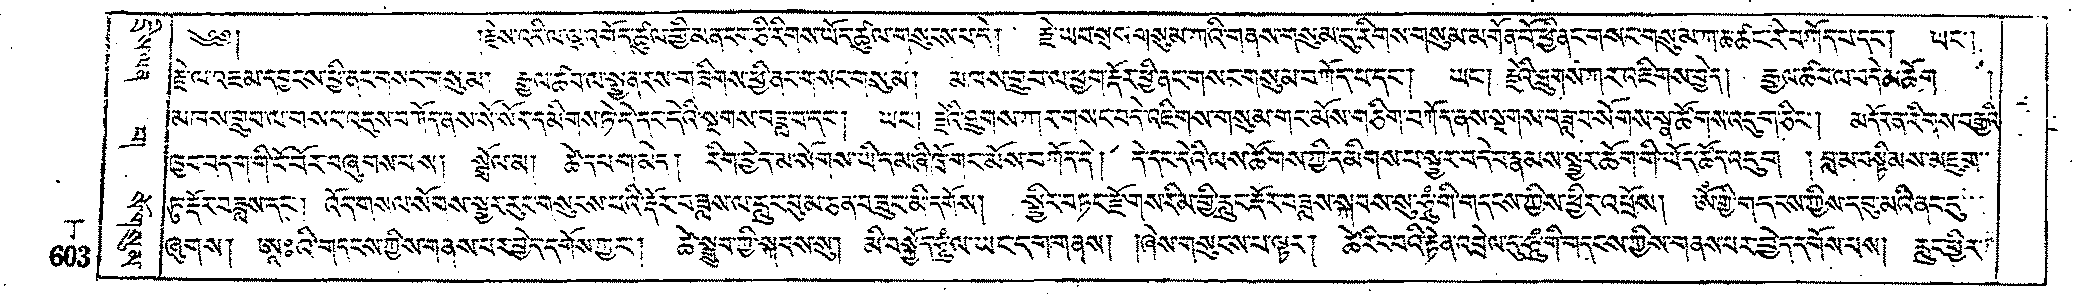༄༅། །རྗེས་འདི་ལ་ལྷ་འགོད་ཚུལ་གྱི་མན་ངག་ཅི་རིགས་ཡོད་ཚུལ་གསུངས་པ་དེ། རྗེ་ཡབ་སྲས་གསུམ་ཀའི་གནས་གསུམ་དུ་རིགས་གསུམ་མགོན་པོ་ཕྱི་ནང་གསང་གསུམ་ཀ་ཆ་ཚང་རེ་བཀོད་པ་དང་། ཡང་།
རྗེ་ལ་འཇམ་དབྱངས་ཕྱི་ནང་གསང་གསུམ། རྒྱལ་ཚབ་ལ་སྤྱན་རས་གཟིགས་ཕྱི་ནང་གསང་གསུམ། མཁས་གྲུབ་ལ་ཕྱག་རྡོར་ཕྱི་ནང་གསང་གསུམ་བཀོད་པ་དང་། ཡང་། རྗེའི་ཐུགས་ཀར་འཇིགས་བྱེད། རྒྱལ་ཚབ་ལ་བདེ་མཆོག་
མཁས་གྲུབ་ལ་གསང་འདུས་བཀོད་ནས་སོ་སོར་དམིགས་ཏེ་དེ་དང་དེའི་སྔགས་བཟླ་བ་དང་། ཡང་། རྗེའི་ཐུགས་ཀར་གསང་བ་དེ་འཇིགས་གསུམ་གང་མོས་གཅིག་བཀོད་ནས་སྔགས་བཟླ་བ་སོགས་སྣ་ཚོགས་འདུག་ཅིང་། མདོར་ན་རིགས་བརྒྱའི་
ཁྱབ་བདག་གི་ངོ་བོར་བཞུགས་པས། སྒྲོལ་མ། ཚེ་དཔག་མེད། རིག་བྱེད་མ་སོགས་ཡི་དམ་ཞི་ཁྲོ་གང་མོས་བཀོད་དེ། དེ་དང་དེའི་ལས་ཚོགས་ཀྱི་དམིགས་པ་སྦྱར་བདེ་བ་རྣམས་སྦྱར་ཆོག་གི་ཡོད་ཚོད་འདུག །བླ་མ་བསྟིམས་མཇུག་་་
ཏུ་རྡོར་བཟླས་དང་། འོད་གསལ་སོགས་སྦྱར་རུང་གསུངས་པའི་རྡོར་བཟླས་ལ་རླུང་བུམ་ཅན་བཟུང་མི་དགོས། སྤྱིར་བཏང་རྫོགས་རིམ་གྱི་རླུང་རྡོར་བཟླས་སྐབས་སུ་ཧཱུཾ་གི་གདངས་ཀྱིས་ཕྱིར་འཕྲོས། ཨོཾ་གྱི་གདངས་ཀྱིས་དབུ་མའི་ནང་དུ་་་
ཞུགས། ཨཱཿའི་གདངས་ཀྱིས་གནས་པར་བྱེད་དགོས་ཀྱང་། ཚེ་སྒྲུབ་ཀྱི་སྐབས་སུ། མི་བསྐྱོད་ཧཱུཾ་ལ་ཡང་དག་གནས། །ཞེས་གསུངས་པ་ལྟར། ཚེ་རིང་བའི་རྟེན་འབྲེལ་དུ་ཧཱུཾ་གི་གདངས་ཀྱིས་གནས་པར་བྱེད་དགོས་པས། རླུང་ཕྱིར་